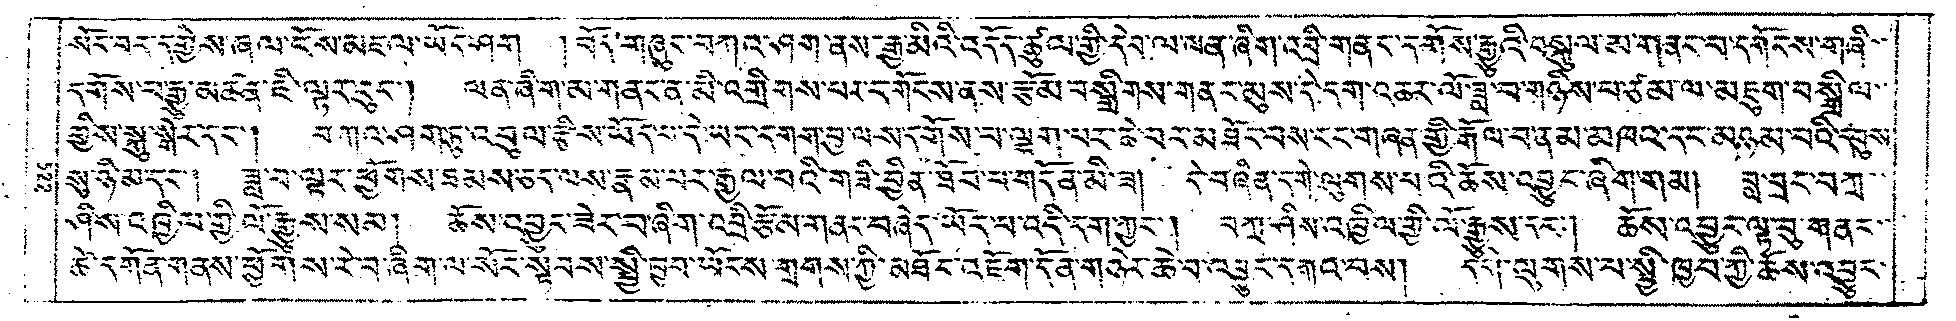སོང་བར་དགྱེས་ཞལ་ངོས་མཇལ་ཡོང་ཤག །བོད་གཞུང་བཀའ་ཤག་ནས་རྒྱ་མིའི་འདོད་ཚུལ་གྱི་དེབ་ལ་ལན་ཞིག་འབྲི་གནང་དགོས་རྒྱུའི་བསྐུལ་མ་གནང་བ་དགོངས་གཞི་
དགོས་པ་རྒྱུ་མཚན་ཇི་ལྟར་རུང་། ལན་ཞིག་མ་གནང་ན་མི་འགྲིགས་པར་དགོངས་ནས་རྩོམ་བསྒྲིགས་གནང་མུས་དེ་དག་འཆར་ལོ་ཟླ་བ་གཉིས་པ་ཙམ་ལ་མཇུག་བསྒྲིལ་
གྱིས་སྐུ་སྒེར་དང་། བཀའ་ཤག་ཏུ་འབུལ་རྩིས་ཡོད་པ་དེ་ཡང་དགག་བྱ་ལས་དགོས་པ་ལྷག་པར་ཆེ་བར་མཐོང་བས་རང་གཞན་གྱི་རྒོལ་བ་ནམ་མཁའ་དང་མཉམ་པའི་དབུས་
སུ་ཉི་མ་དང་། ཟླ་བ་ལྟར་ཕྱོགས་ཐམས་ཅད་ལས་རྣམ་པར་རྒྱལ་བའི་གཟི་བྱིན་ཐོབ་པ་གདོན་མི་ཟ། དེ་བཞིན་དགེ་ལུགས་པའི་ཆོས་འབྱུང་ཞིག་གམ། བླ་བྲང་བཀྲ་
ཤིས་འཁྱིལ་གྱི་ལོ་རྒྱུས་སམ། ཆོས་འབྱུང་ཟེར་པ་ཞིག་འབྲི་རྩོམ་གནང་བཞེད་ཡོད་པ་འདི་དག་ཀྱང་། བཀྲ་ཤིས་འཁྱིལ་གྱི་ལོ་རྒྱུས་དང་། ཆོས་འབྱུང་ལྟ་བུ་གནང་
ཚེ་དགོན་གནས་ཕྱོགས་རེ་བ་ཞིག་ལ་སོང་སྟབས་སྤྱི་ཁྱབ་ཡོངས་གྲགས་ཀྱི་མཐོང་འཇོག་དོན་གཉེར་ཆེ་བ་འབྱུང་དཀའ་བས། དགེ་ལུགས་པ་སྤྱི་ཁྱབ་ཀྱི་ཆོས་འབྱུང་